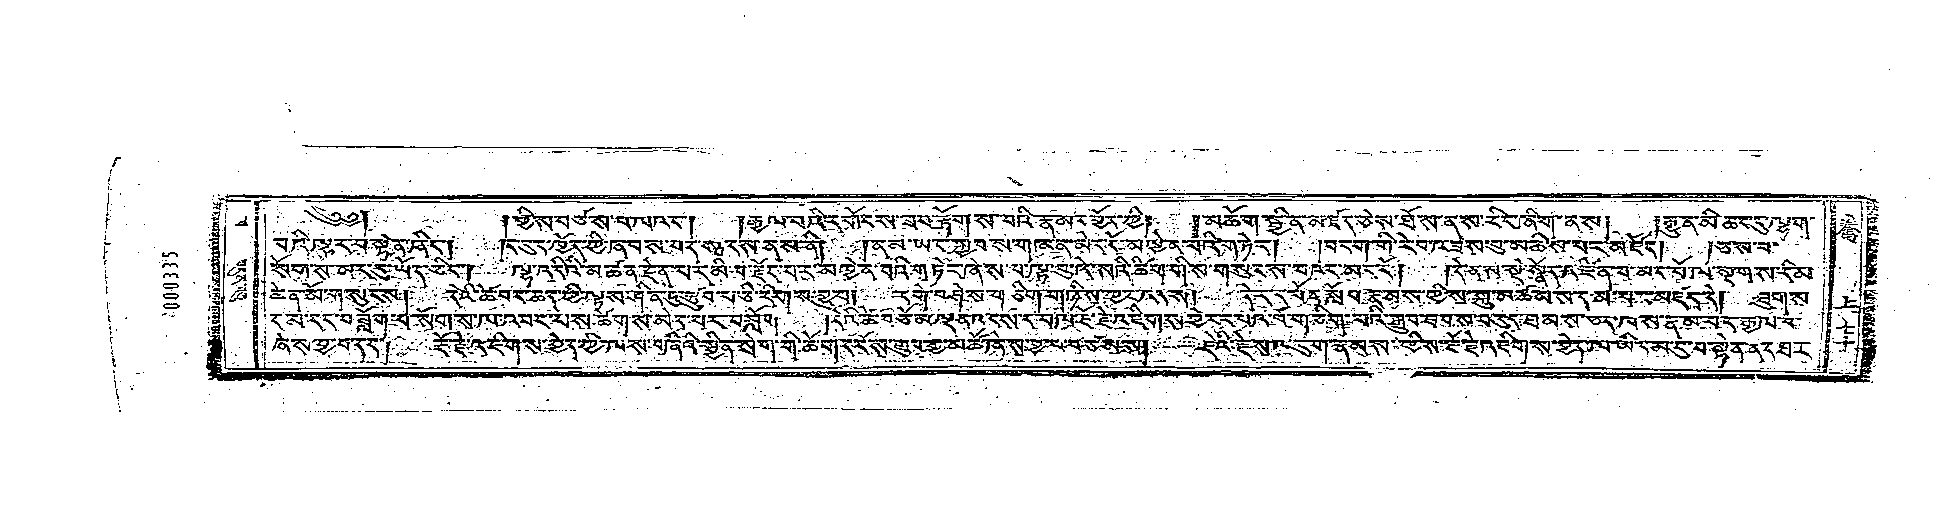༄༅། །གྱིས་བཙས་བ་ལའང་། །རྒྱལ་བའི་དགོངས་ཟབ་རྟོགས་པའི་རྣམ་དབྱོད་ཀྱི། །མཆོག་སྦྱིན་མཛད་ཅེས་ཐོས་ནས་རིང་ཞིག་ནས། །རྒྱུན་མི་ཆང་དུ་ལྷག་
པའི་ལྷར་བསྟེན་ཞིང་། །ད་དུང་ཁྱོད་ཀྱི་ཞབས་པད་སྤངས་ནས་ནི། །ནམ་ཡང་སྐྱབས་གཞན་མེད་དོ་མཁྱེན་བའི་གཏེར། །བདག་གི་རེབ་འབྲས་བུ་མཆིས་པར་མཛོད། །ཅེས་པ་
སོགས་མང་དུ་ཡོད་ཅིང་། ལྷ་འདིའི་མཚན་རྗེན་པར་མི་བརྗོད་བར་མཛའེན་བའི་གཏེར་ཞེས་པ་ལྟ་བུ་ཞེ་སའི་ཚིག་གིས་གསུངས་བའང་མང་ངོ། །དེ་ནས་སྡེ་སྣོད་འཛིན་བ་མང་བོ་ལ་སྔགས་རིམ་
ཆེན་མོ་གསུངས། དེའི་ཚེ་བར་ཆད་ཀྱི་ལྟས་ཤིན་ཏུ་རྩུབ་པ་ཅི་རིགས་བྱུང་། དགེ་བཤེས་གཅིག་གཉིས་ཀྱང་འདས། དེར་དཔོན་སློབ་རྣམས་ཀྱིས་སྐུ་མཚམས་དམ་པར་མཛད་དེ། ཐུགས་
དམ་དད་བཟློག་བ་སོགས་ལ་འབད་པས་ཚེགས་མེད་པར་བསློབ། །དེའི་ཚེ་བཅོམ་ལྡན་འདས་དབལ་རྡོ་རྗེ་འཇིགས་བྱེད་དཔའ་བོ་གཅིག་པའི་སྒྲུབ་ཐབས་བདུད་ཐམས་ཅད་ལས་རྣམ་པར་རྒྱལ་བ་
ཞེས་བྱ་བ་དང་། རྡོ་རྗེ་འཇིགས་བྱེད་ཀྱི་ལས་བཞིའི་སྦྱིན་སྲེག་གི་ཆོ་ག་དངོས་གྲུབ་རྒྱ་མཚོ་ཞེས་བྱ་བ་བཙམས། རྗེའི་རྗེས་ལ་དུག་རྣམས་ཀྱིས་རྡོ་རྗེ་འཇིགས་བྱེད་ལ་ཡིད་མ་དུ་བསྟེན་ནང་ཐར་